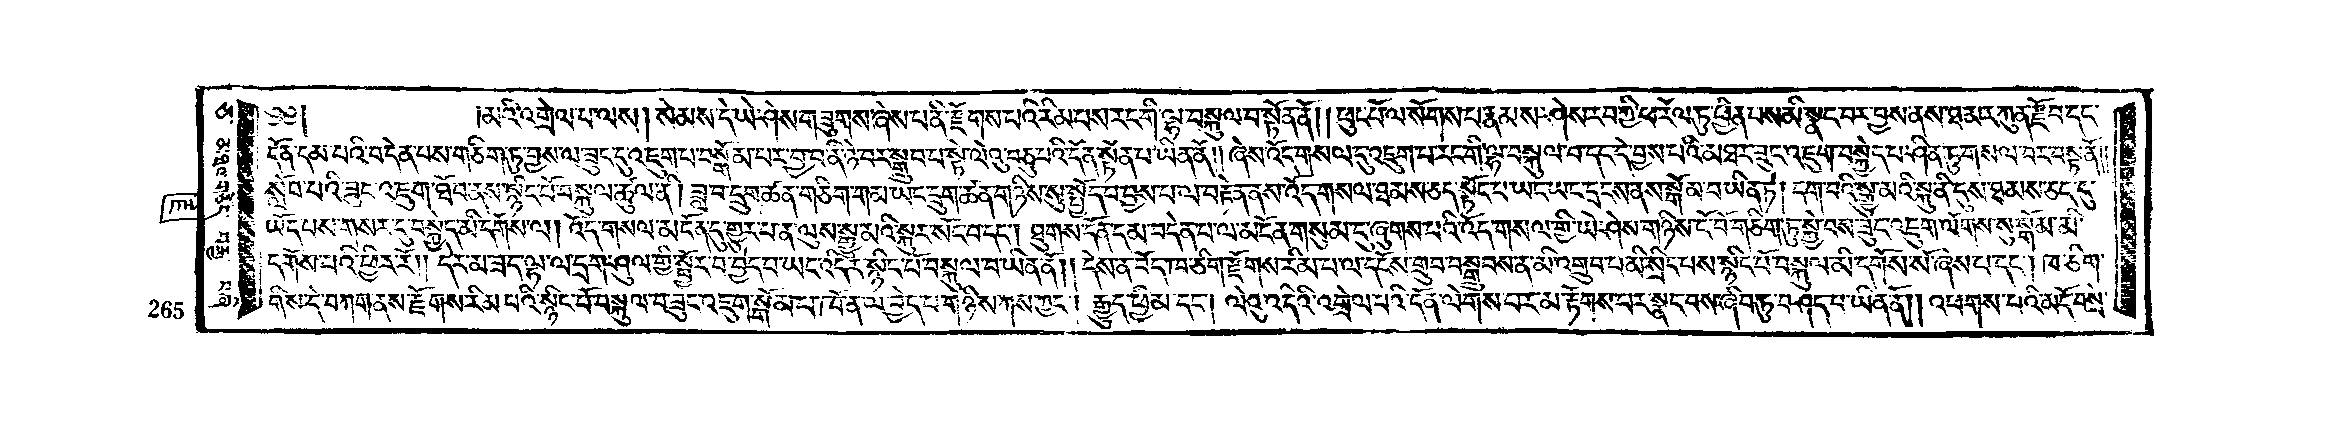༄༅། །མའི་འགྲེལ་པ་ལས། སེམས་དེ་ཡེ་ཤེས་གཟུགས་ཞེས་པ་ནི་རྫོགས་པའི་རིམ་པས་རང་གི་ལྷ་བསྐུལ་བ་སྟོན་ནོ། །ཕུང་པོ་ལ་སོགས་པ་རྣམས་ཤེས་རབ་ཀྱི་ཕ་རོལ་ཏུ་ཕྱིན་པས་མི་སྣང་བར་བྱས་ནས་ཐ་མར་ཀུན་རྫོབ་དང་
དོན་དམ་པའི་བདེན་པས་གཅིག་ཏུ་བྱས་ལ་ཟུང་དུ་འཇུག་པ་བསྒོམ་པར་བྱ་བ་ནི་ཉེ་བར་སྒྲུབ་པ་སྟེ་ལེའུ་བཅུ་པའི་དོན་སྟོན་པ་ཡིན་ནོ། །ཞེས་འོད་གསལ་དུ་འཇུག་པ་རང་གི་ལྷ་བསྐུལ་བ་དང་དེ་བྱས་པའི་མཐར་ཟུང་འཇུག་བསྐྱེད་པ་ཤིན་ཏུ་གསལ་བར་བསྟན་ནོ། །
སློབ་པའི་ཟུང་འཇུག་ཐོབ་ནས་སྙིང་པོ་བསྐུལ་ཚུལ་ནི། ཟླ་བ་དྲུག་ཚན་གཅིག་གམ་ཡང་དྲུག་ཚན་གཉིས་སུ་སྤྱོད་པ་བྱས་པ་ལ་བརྟེན་ནས་འོད་གསལ་ཐམས་ཅད་སྟོང་པ་ཡང་ཡང་དྲངས་ནས་སྒོམ་པ་ཡིན་ཏེ། དག་པའི་སྒྱུ་མའི་སྐུ་ནི་དུས་ཐམས་ཅད་དུ་
ཡོད་པས་གསར་དུ་བསྐྱེད་མི་དགོས་ལ། འོད་གསལ་མངོན་དུ་གྱུར་པ་ན་ལུས་སྒྱུ་མའི་སྐུར་སོང་བ་དང་། ཐུགས་དོན་དམ་བདེན་པ་ལ་མངོན་གསུམ་དུ་ཞུགས་པའི་འོད་གསལ་གྱི་ཡེ་ཤེས་གཉིས་ངོ་བོ་གཅིག་ཏུ་སྐྱེ་བས་ཟུང་འཇུག་ལོགས་སུ་སྒོམ་མི་
དགོས་པའི་ཕྱིར་རོ། །དེར་མ་ཟད་ལྷ་ལ་དྲག་ཤུལ་གྱི་སྦྱོར་བ་བྱེད་པ་ཡང་འདིར་སྙིང་པོ་བསྐུལ་བ་ཡིན་ནོ། །དེས་ན་བོད་ཁ་ཅིག་རྫོགས་རིམ་པ་ལ་དངོས་གྲུབ་བསྒྲུབས་ན་མི་འགྲུབ་པ་མི་སྲིད་པས་སྙིང་པོ་བསྐུལ་མི་དགོས་སོ་ཞེས་པ་དང་། ཁ་ཅིག་
གིས་དེ་བཀག་ནས་རྫོགས་རིམ་པའི་སྙིང་པོ་བསྐུལ་བ་ཟུང་འཇུག་སྒོམ་པ་ཁོ་ན་ལ་བྱེད་པ་གཉིས་ཀས་ཀྱང་། རྒྱུད་ཕྱི་མ་དང་། ལེའུ་འདིའི་འགྲེལ་པའི་དོན་ལེགས་པར་མ་རྟོགས་པར་སྣང་བས་ཞིབ་ཏུ་བཤད་པ་ཡིན་ནོ། །འཕགས་པའི་མདོ་བསྲེ་